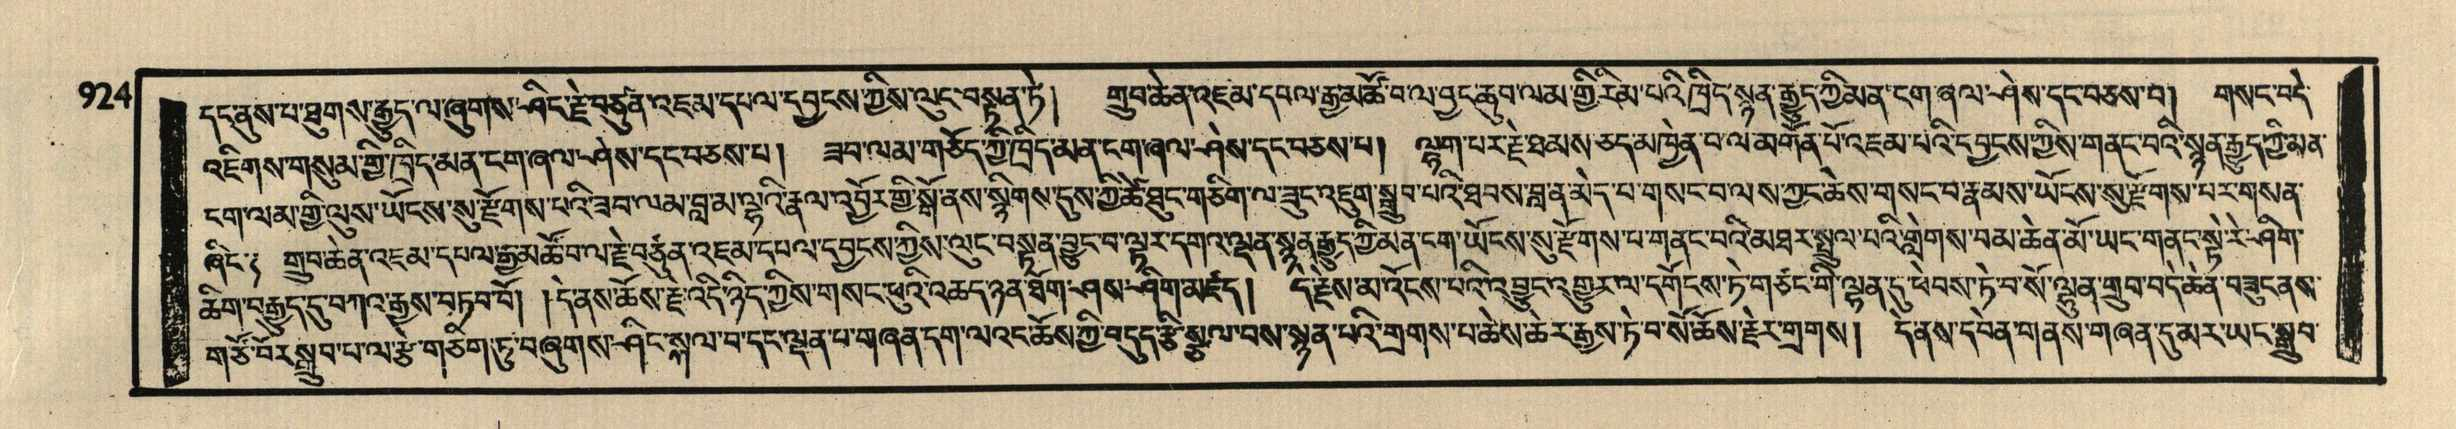དང་ནུས་པ་ཐུགས་རྒྱུད་ལ་ཞུགས་ཤིང་རྗེ་བཙུན་འཇམ་དཔལ་དབྱངས་ཀྱིས་ལུང་བསྟན་ཏེ། གྲུབ་ཆེན་འཇམ་དཔལ་རྒྱ་མཚོ་བ་ལ་བྱང་ཆུབ་ལམ་གྱི་རིམ་པའི་ཁྲིད་སྙན་རྒྱུད་ཀྱི་མན་ངག་ཞལ་ཤེས་དང་བཅས་བ། གསང་བདེ་
འཇིགས་གསུམ་གྱི་ཁྲིད་མན་ངག་ཞལ་ཤེས་དང་བཅས་པ། ཟབ་ལམ་གཅོད་ཀྱི་ཁྲིད་མན་ངག་ཞལ་ཤེས་དང་བཅས་པ། ལྷག་པར་རྗེ་ཐམས་ཅད་མཁྱེན་པ་ལ་མགོན་པོ་འཇམ་པའི་དབྱངས་ཀྱིས་གནང་བའི་སྙན་རྒྱུད་ཀྱི་མན་
ངག་ལམ་གྱི་ལུས་ཡོངས་སུ་རྫོགས་པའི་ཟབ་ལམ་བླ་མ་ལྷའི་རྣལ་འབྱོར་གྱི་སྒོ་ནས་སྙིགས་དུས་ཀྱི་ཚེ་ཐུང་གཅིག་ལ་ཟུང་འཇུག་སྒྲུབ་པའི་ཐབས་བླ་ན་མེད་པ་གསང་བ་ལས་ཀྱང་ཆེས་གསང་བ་རྣམས་ཡོངས་སུ་རྫོགས་པར་གསན་
ཞིང༑ གྲུབ་ཆེན་འཇམ་དཔལ་རྒྱ་མཚོ་བ་ལ་རྗེ་བཙུན་འཇམ་དཔལ་དབྱངས་ཀྱིས་ལུང་བསྟན་བྱུང་བ་ལྟར་དགའ་ལྡན་སྙན་རྒྱུད་ཀྱི་མན་ངག་ཡོངས་སུ་རྫོགས་པ་གནང་བའི་མཐར་སྤྲུལ་པའི་གླེགས་བམ་ཆེན་མོ་ཡང་གནང་སྟེ་རེ་ཤིག་
ཚིག་བརྒྱུད་དུ་བཀའ་རྒྱས་བཏབ་བོ། །དེ་ནས་ཆོས་རྗེ་འདི་ཉིད་ཀྱིས་གསང་ཕུའི་འཆད་ཉན་ཐོག་ཤས་ཤིག་མཛད། དེ་རྗེས་མ་འོངས་པའི་འབྱུང་འགྱུར་ལ་དགོངས་ཏེ་གཙང་གི་ལྷན་དུ་ཕེབས་ཏེ་བ་སོ་ལྷུན་གྲུབ་བདེ་ཆེན་བཟུང་ནས་
གཙོ་བོར་སྒྲུབ་པ་ལ་རྩེ་གཅིག་ཏུ་བཞུགས་ཤིང་སྐལ་བ་དང་ལྡན་པ་གཞན་དག་ལའང་ཆོས་ཀྱི་བདུད་རྩི་སྩལ་བས་སྙན་པའི་གྲགས་པ་ཆེས་ཆེར་རྒྱས་ཏེ་བ་སོ་ཆོས་རྗེར་གྲགས། དེ་ནས་དབེན་གནས་གཞན་དུ་མར་ཡང་སྒྲུབ་